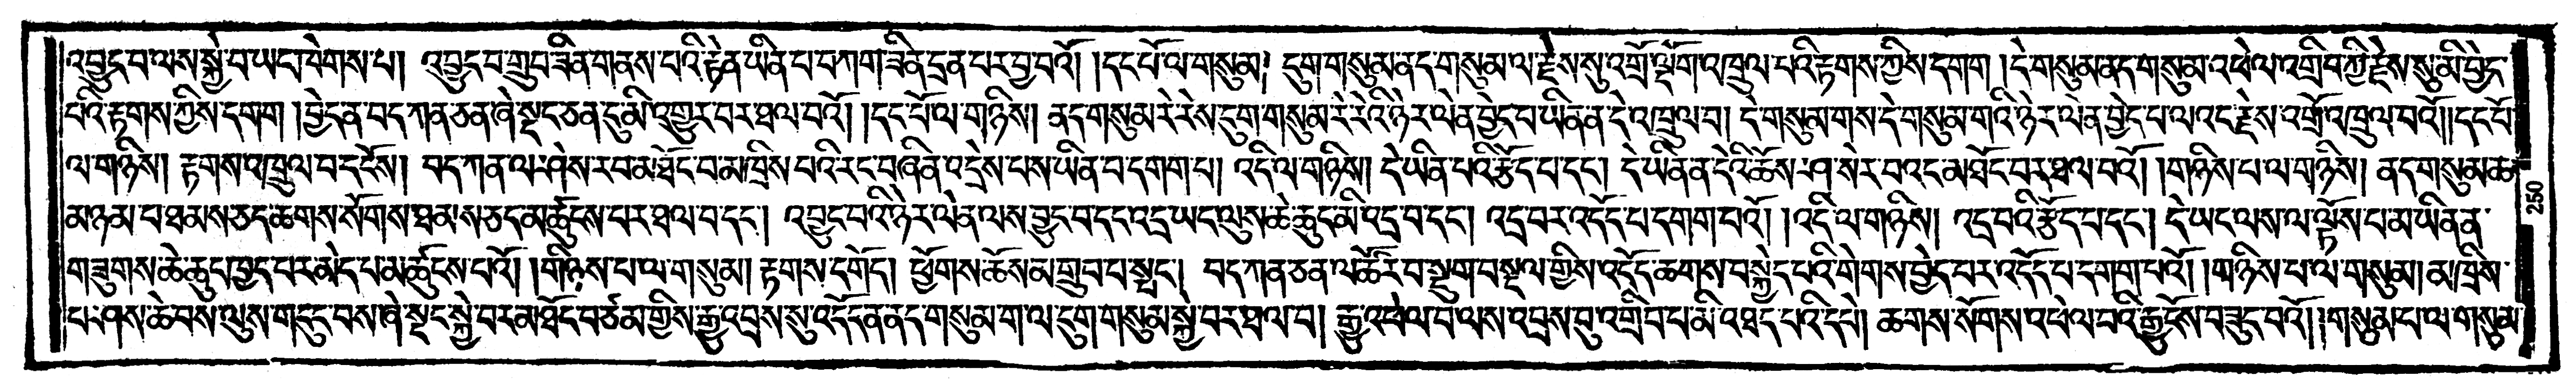འབྱུང་བ་ལས་སྐྱེ་བ་ཡང་ཁེགས་པ། འབྱུང་བ་གྲུབ་ཟིན་གནས་པའི་རྟེན་ཡིན་པ་བཀག་ཟིན་དྲན་པར་བྱ་བའོ། །དང་པོ་ལ་གསུམ། དུག་གསུམ་ནད་གསུམ་ལ་རྗེས་སུ་འགྲོ་ལྡོག་འཁྲུལ་པའི་རྟགས་ཀྱིས་དགག །དེ་གསུམ་ནད་གསུམ་འཕེལ་འགྲིབ་ཀྱི་རྗེས་སུ་མི་བྱེད་
པའི་རྟགས་ཀྱིས་དགག །བྱེད་ན་བད་ཀན་ཅན་ཞེ་སྡང་ཅན་དུ་མི་འགྱུར་བར་ཐལ་བའོ། །དང་པོ་ལ་གཉིས། ནད་གསུམ་རེ་རེས་དུག་གསུམ་རེ་རེའི་ཉེར་ལེན་བྱེད་པ་ཡིན་ན་དེ་འཁྲུལ་པ། དེ་གསུམ་གས་དེ་གསུམ་གའི་ཉེར་ལེན་བྱེད་པ་ལའང་རྗེས་འགྲོ་འཁྲུལ་བའོ། །དང་པོ་
ལ་གཉིས། རྟགས་འཁྲུལ་བ་དངོས། བད་ཀན་ལ་ཤེས་རབ་མཐོང་བ་མཁྲིས་པའི་རང་བཞིན་འདྲེས་པས་ཡིན་པ་དགག་པ། འདི་ལ་གཉིས། དེ་ཡིན་པའི་རྩོད་པ་དང་། དེ་ཡིན་ན་དེའི་ཆོས་ཤ་སེར་བའང་མཐོང་བར་ཐལ་བའོ། །གཉིས་པ་ལ་གཉིས། ནད་གསུམ་ཆ་
མཉམ་པ་ཐམས་ཅད་ཆགས་སོགས་ཐམས་ཅད་མཚུངས་པར་ཐལ་བ་དང་། འབྱུང་བའི་ཉེར་ལེན་ལས་བྱུང་བ་དང་འདྲ་ཡང་ལུས་ཆེ་ཆུང་མི་འདྲ་བ་དང་། འདྲ་བར་འདོད་པ་དགག་པའོ། །འདི་ལ་གཉིས། འདྲ་བའི་རྩོད་པ་དང་། དེ་ཡང་ལས་ལ་ལྟོས་པ་མ་ཡིན་ན་
གཟུགས་ཆེ་ཆུང་ཁྱད་པར་མེད་པ་མཚུངས་པའོ། །གཉིས་པ་ལ་གསུམ། རྟགས་དགོད། ཕྱོགས་ཆོས་མ་གྲུབ་པ་སྤང་། བད་ཀན་ཅན་ལ་ཚོར་བ་སྡུག་བསྔལ་གྱིས་འདོད་ཆགས་བསྐྱེད་པའི་གེགས་བྱེད་པར་འདོད་པ་དགག་པའོ། །གཉིས་པ་ལ་གསུམ། མཁྲིས་
པ་ཤས་ཆེ་བས་ལུས་གདུང་བས་ཞེ་སྡང་སྐྱེ་བར་མཐོང་བ་ཙམ་གྱིས་རྒྱུ་འབྲས་སུ་འདོད་ན་ནད་གསུམ་ག་ལ་དུག་གསུམ་སྐྱེ་བར་ཐལ་བ། རྒྱུ་འཕེལ་བ་ལས་འབྲས་བུ་འགྲིབ་པ་མི་འཐད་པའི་དཔེ། ཆགས་སོགས་འཕེལ་བའི་རྒྱུ་ངོས་བཟུང་བའོ། །གསུམ་པ་ལ་གསུམ་